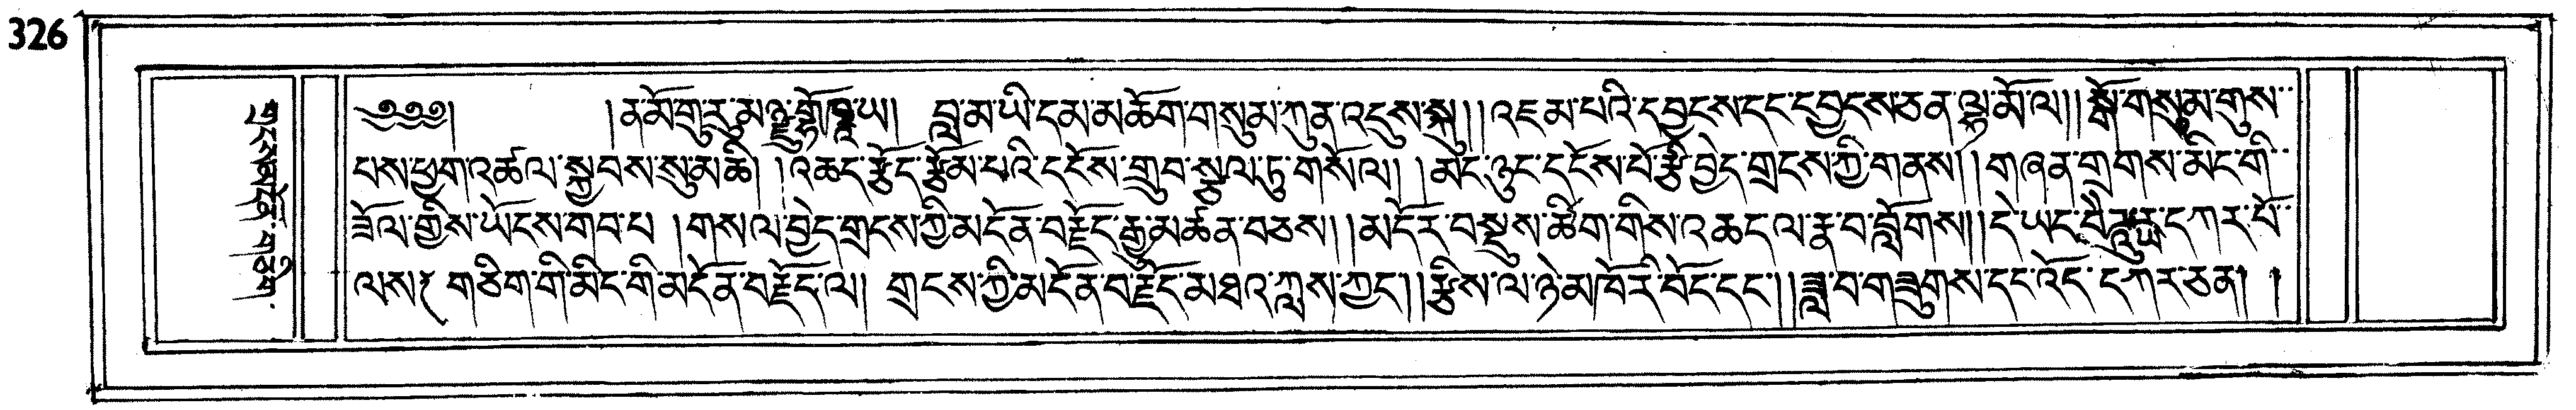།ན་མོ་གུ་རུ་མཉྫུ་གྷོ་ཥཱ་ཡ། བླ་མ་ཡི་དམ་མཆོག་གསུམ་ཀུན་འདུས་སྐུ། །འཇམ་པའི་དབྱགནས་དང་དབྱངས་ཅན་ལྷ་མོ་ལ། །སྒོ་གསུམ་གུས་
པས་ཕྱག་འཚལ་སྐྱབས་སུ་མཆི། །འཆད་རྩོད་རྩོམ་པའི་དངོས་གྲུབ་སྩལ་ཏུ་གསོ། །མང་ཉུང་དངོས་པོ་རྩི་བྱེད་གྲངས་ཀྱི་གནས། །གཞན་གྲགས་མིང་གི་
ཟོལ་གྱིས་ཡོངས་གབ་པ་།གསལ་བྱེད་གྲངས་ཀྱི་མངོན་བརྗོད་རྒྱ་མཚན་བཅས། །མདོར་བསྡུས་ཆིག་གིས་འཆད་ལ་རྣ་བ་བློགས། །དེ་ཡང་བཻཌཱུ་རྱ་དཀར་པོ་
ལས༑ གཅིག་གི་མིང་གི་མངོན་བརྗོད་ལ། གྲངས་ཀྱི་མངོན་བརྗོད་མཐའ་ཀླས་ཀྱང་། །རྩིས་ལ་ཉེ་མཁོ་བི་བོང་དང་། །ཟླ་བ་གཟུགས་དང་འོད་དཀར་ཅན། །